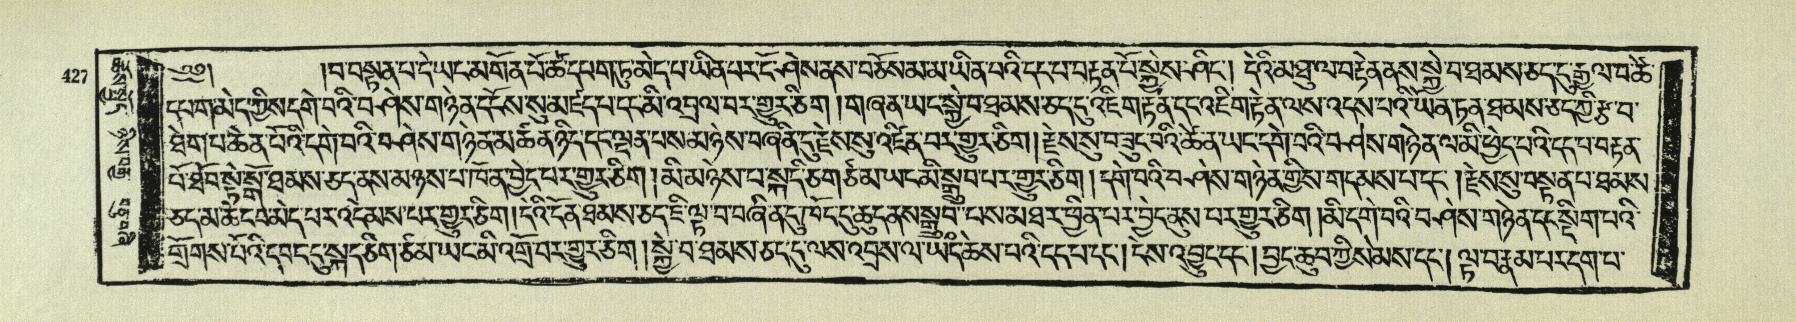༄༅། །བ་བསྟན་པ་དེ་ཡང་མགོན་པོ་ཚེ་དཔག་ཏུ་མེད་པ་ཡིན་པར་ངོ་ཤེས་ནས་བཅོས་མ་མ་ཡིན་པའི་དང་པ་བརྟན་པོ་སྐྱེས་ཤིང་། དེའི་མཐུ་ལ་བརྟེན་ནས་སྐྱེ་བ་ཐམས་ཅད་དུ་རྒྱལ་བ་ཚེ་
དཔག་མེད་ཀྱིས་དགེ་བའི་བ་ཤེས་གཉེན་དངོས་སུ་མཛད་པ་དང་མི་འབྲལ་བར་གྱུར་ཅིག །གཞན་ཡང་སྐྱེ་བ་ཐམས་ཅད་དུ་འཇིག་རྟེན་དང་འཇིག་རྟེན་ལས་འདས་པའི་ཡོན་ཏན་ཐམས་ཅད་ཀྱི་རྩ་བ་
ཐེག་པ་ཆེན་པོའི་དགེ་བའི་བཤེས་གཉེན་མཚན་ཉིད་དང་ལྡན་པས་མཉེས་བཞིན་དུ་རྗེས་སུ་འཛིན་བར་གྱུར་ཅིག། རྗེས་སུ་བ་ཟུང་བའི་ཚེ་ན་ཡང་དགེ་བའི་བཤེས་གཉེན་ལ་མི་ཕྱེད་པའི་དད་པ་བརྟན་
པོ་ཐོབ་སྟེ་སྒོ་ཐམས་ཅད་ནས་མཉས་པ་ཁོ་ན་བྱེད་པར་གྱུར་ཅིག །མི་མཉེས་པ་སྐད་ཅིག་ཙམ་ཡང་མི་སྒྲུབ་པར་གྱུར་ཅིག །དགེ་བའི་བཤེས་གཉེན་གྱིས་གདམས་པ་དང་། རྗེས་སུ་བསྟན་པ་ཐམས་
ཅད་མ་ཚང་བ་མེད་པར་འདེམས་པར་གྱུར་ཅིག །དེའི་དོན་ཐམས་ཅད་ཇི་ལྟ་བ་བཞིན་དུ་ཁོང་དུ་ཆུད་ནས་སྒྲུབ་པས་མཐར་ཕྱིན་པར་བྱེད་ནུས་པར་གྱུར་ཅིག །མི་དགེ་བའི་བཤེས་གཉེན་དང་སྡིག་པའི་
གྲོགས་པོའི་དབང་དུ་སྐད་ཅིག་ཙམ་ཡང་མི་འགྲོ་བར་གྱུར་ཅིག །སྐྱེ་བ་ཐམས་ཅད་དུ་ལས་འབྲས་ལ་ཡོད་ཆེས་པའི་དད་པ་དང་། ངེས་འབྱུང་དང་། བྱང་ཆུབ་ཀྱི་སེམས་དང་། ལྟ་བ་རྣམ་པར་དག་པ་